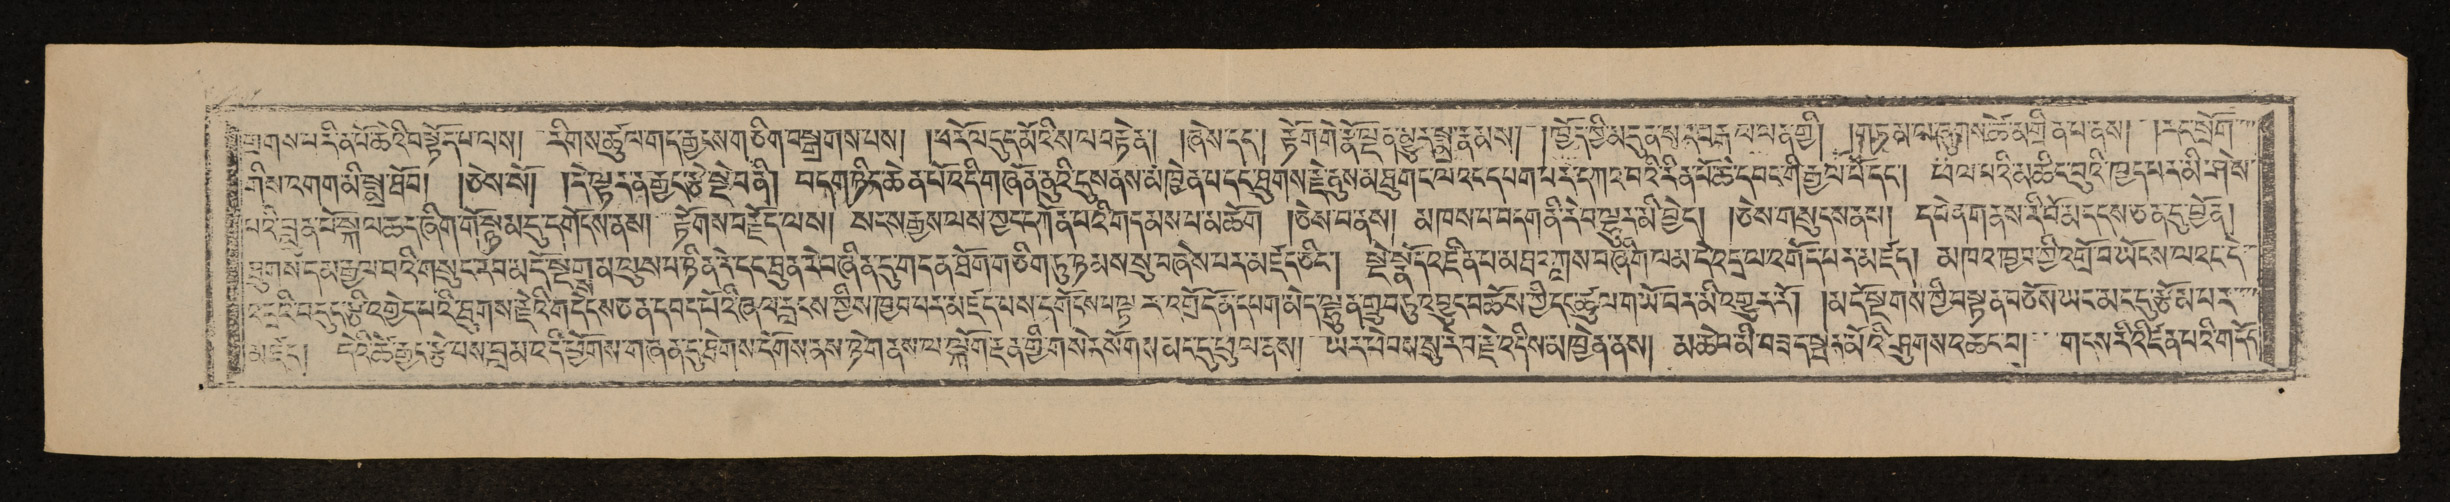གྲགས་པ་རིན་པོ་ཆེའི་བསྟོད་པ་ལས། རིགས་ཚུལ་གད་རྒྱངས་གཅིག་བསྒྲགས་པས། །ཕ་རོལ་དུད་མོའི་ས་ལ་བརྟེན། །ཞེས་དང་། རྟོག་གི་རྣོ་ལྡན་མྱུར་སྨྲ་རྣམས། །ཁྱོད་ཀྱི་མདུན་སར་བརྒལ་ལན་གྱི། །གཏམ་ལ་ཞུགས་ཚེ་མགྲིན་པ་ནས། །རང་སྲོག་
གིས་འགག་མི་སྨྲ་ཐོབ། །ཅེས་སོ། །དེ་ལྟར་ན་རྒྱང་རྩེ་སྡེ་པ་ནི། བདག་ཉིད་ཆེན་པོ་འདི་གཞོན་ནུའི་དུས་ནས་མཁྱེན་བ་དང་ཐུགས་རྗེ་ནུས་མཐུ་གང་ལའང་དཔག་པར་དཀའ་བའི་རིན་པོ་ཆེ་དབང་གི་རྒྱལ་པོ་དང་། ཕལ་པའི་མཆིད་བུའི་ཁྱད་པར་མི་ཤེས་
པའི་བླུན་པོ་སྐལ་ཆད་ཞིག་གོ་སྙམ་དུ་དགོངས་ནས། རྟོགས་བརྗོད་ལས། སངས་རྒྱས་ལས་ཀྱང་དཀོན་པའི་གདམས་པ་མཆོག །ཅེས་པ་ནས། མཁས་པ་བདག་ནི་རེ་བ་ལྷུར་མི་བྱེད། །ཅེས་གསུངས་ནས། དབེན་གནས་རི་བོ་མདངས་ཅན་དུ་བྱོན།
ཐུགས་དམ་རྒྱལ་བའི་གསུང་རབ་མདོ་སྔགས་མ་ལུས་པ་ཉིན་རེ་དང་ཐུན་རེ་བཞིན་དུ་གདན་ཐོག་གཅིག་ཏུ་ཉམས་སུ་བཞེས་པར་མཛད་ཅིང་། སྡེ་སྣོད་འཛིན་པ་མཐའ་ཀླས་པ་ཞིག་ལམ་དེ་འདྲ་ལ་འགོད་པར་མཛད། མཁའ་ཁྱབ་ཀྱི་འགྲོ་བ་ཡོངས་ལའང་དེ་
འདྲའི་བདུད་རྩི་འགྱེད་པའི་ཐུགས་རྗེའི་གདེངས་ཅན་དབང་པོའི་ཞལ་རླངས་ཀྱིས་ཁྱབ་པར་མཛད་པས་དགོངས་པ་ལྟར་འགྲོ་དོན་དཔག་མེད་ལྷུན་གྲུབ་ཏུ་འབྱུང་བ་ཆོས་ཀྱི་ངང་ཚུལ་གཡོ་བར་མི་འགྱུར་རོ། །མདོ་སྔགས་ཀྱི་བསྟན་བཅོས་ཡང་མང་དུ་རྩོམ་པར་
མཛད། དེའི་ཚེ་རྒྱད་རྩེ་བས་བླ་མ་འདི་ཕྱོགས་གཞན་དུ་ཐེགས་དོགས་ནས་ཉེ་གནས་ལ་ལྐོག་རྔན་གྱི་གསེར་སོགས་མང་དུ་ཕུལ་ནས། ཡར་ཕེབས་སུ་རེ་བ་རྗེ་འདིས་མཁྱེན་ནས། མཆེ་བ་མི་བཟད་སྦར་མོའི་ཤུགས་འཆང་བ། །གངས་རི་འཛིན་པའི་གདོད་